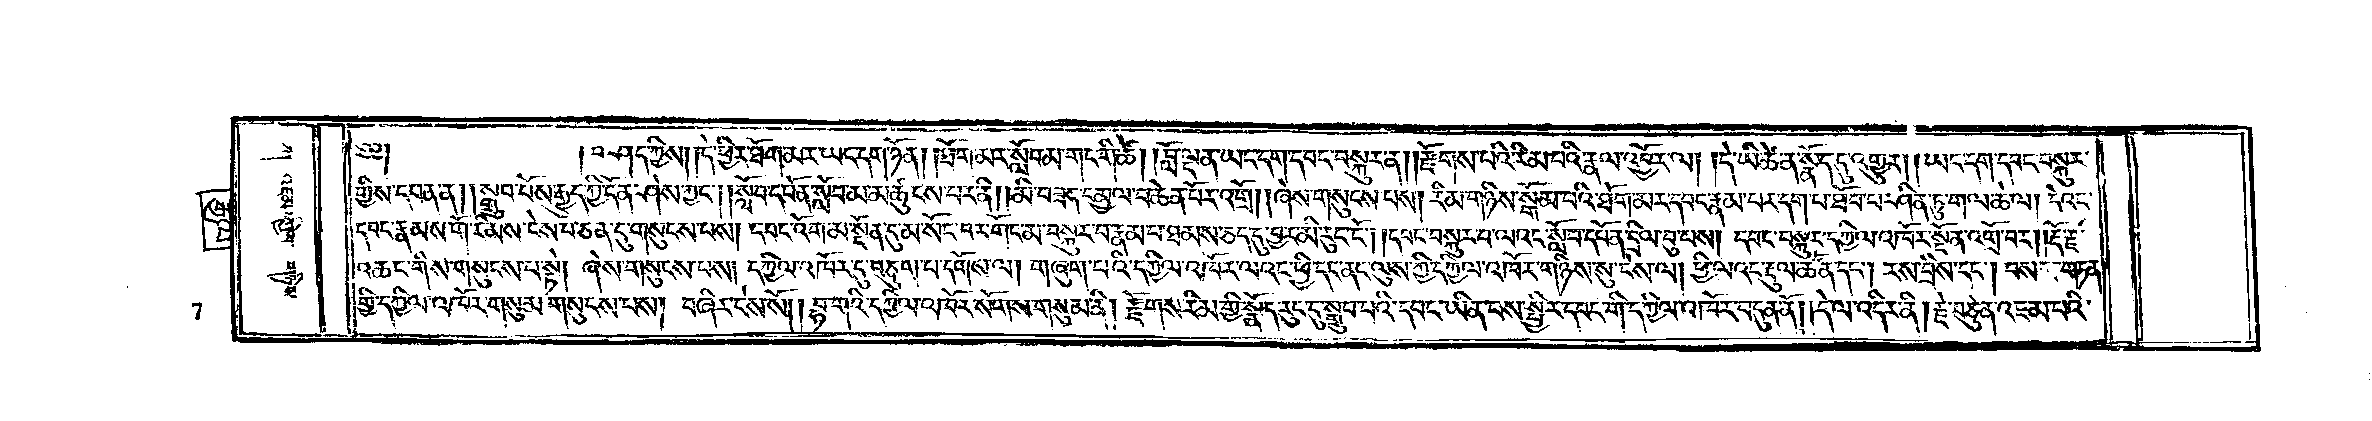༄༅། །བཤད་ཀྱིས། །དེ་ཕྱིར་ཐོག་མར་ཡང་དག་ཉོན། །ཐོག་མར་སློབ་མ་གང་གི་ཚེ། །བློ་ལྡན་ཡང་དག་དབང་བསྐུར་ན། །རྫོགས་པའི་རིམ་པའི་རྣལ་འབྱོར་ལ། །དེ་ཡི་ཚེ་ན་སྣོད་དུ་འགྱུར། །ཡང་དག་དབང་བསྐུར་
གྱིས་དབན་ན། །སྒྲུབ་པོས་རྒྱུད་ཀྱི་དོན་ཤེས་ཀྱང་། །སློབ་དཔོན་སློབ་མ་མཚུངས་པར་ནི། །མི་བཟད་དམྱལ་བ་ཆེན་པོར་འགྲོ། །ཞེས་གསུངས་པས། རིམ་གཉིས་སྒོམ་པའི་ཐོག་མར་དབང་རྣམ་པར་དག་པ་ཐོབ་པ་ཤིན་ཏུ་གལ་ཆེ་ལ། དེའང་
དབང་རྣམས་གོ་རིམས་ངེས་པ་ཅན་དུ་གསུངས་པས། དབང་འོག་མ་སྔོན་དུ་མ་སོང་བར་གོང་མ་བསྐུར་བ་རྣམ་པ་ཐམས་ཅད་དུ་བྱར་མི་རུང་ངོ། །དབང་བསྐུར་བ་ལའང་སློབ་དཔོན་དྲིལ་བུ་པས། དབང་བསྐུར་དཀྱིལ་འཁོར་སྔོན་འགྲོ་བར། །རྡོ་རྗེ་
འཆང་གིས་གསུངས་པ་སྟེ། ཞེས་གསུངས་པས། དཀྱིལ་འཁོར་དུ་བཅུག་པ་དགོས་ལ། གཞུག་པའི་དཀྱིལ་འཁོར་ལའང་ཕྱི་དང་ནང་ལུས་ཀྱི་དཀྱིལ་འཁོར་གཉིས་སུ་ངེས་ལ། ཕྱི་ལའང་རྡུལ་ཚོན་དང་། རས་བྲིས་དང་། བསམ་གཏན་
གྱི་དཀྱིལ་འཁོར་གསུམ་གསུངས་པས། བཞིར་ངེས་སོ། །བྷ་གའི་དཀྱིལ་འཁོར་སོགས་གསུམ་ནི། རྫོགས་རིམ་གྱི་སྣོད་རུང་དུ་སྒྲུབ་པའི་དབང་ཡིན་པས་སྤྱིར་དབང་གི་དཀྱིལ་འཁོར་བདུན་ནོ། །དེ་ལ་འདིར་ནི། རྗེ་བཙུན་འཇམ་པའི་